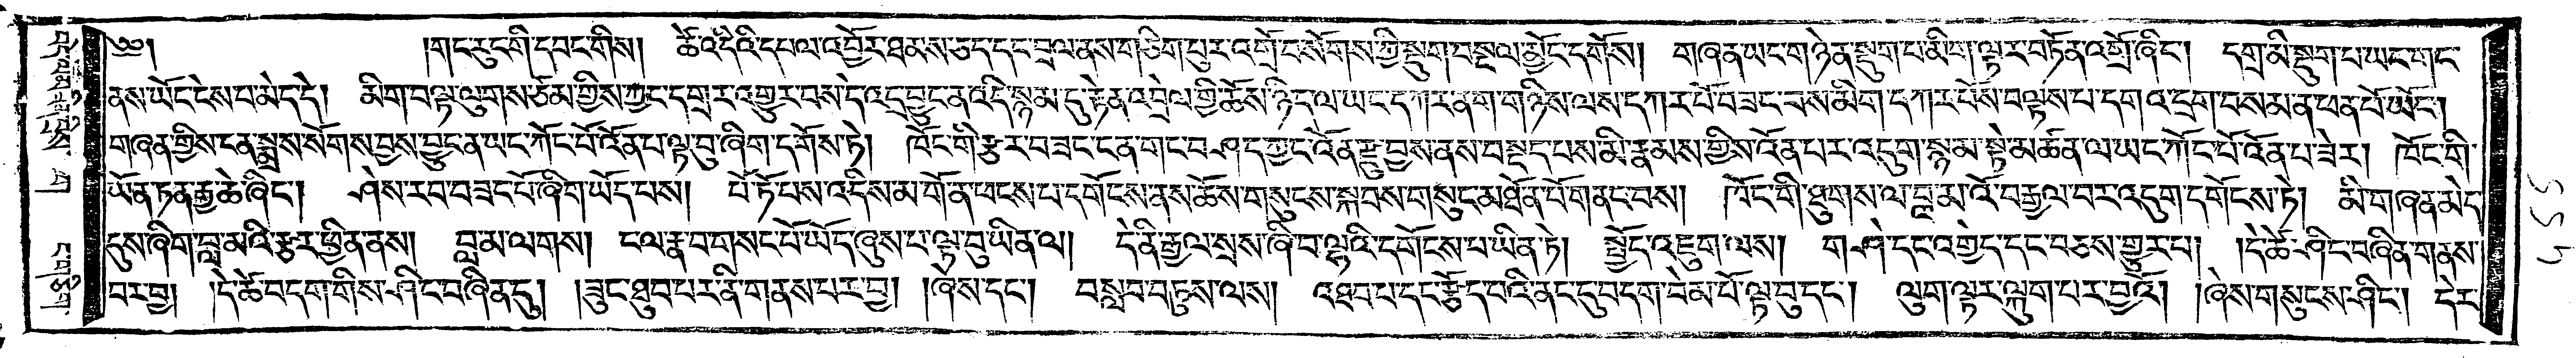༄༅། །གང་རུང་གི་དབང་གིས། ཚེ་འདིའི་དཔལ་འབྱོར་ཐམས་ཅད་དང་བྲལ་ནས་གཅིག་པུར་འགྲོ་བ་སོགས་ཀྱི་སྡུག་བསྔལ་མྱོང་དགོས། གཞན་ཡང་གཉེན་སྡུག་པ་མིག་ལྟར་བཏོན་འགྲོ་ཞིང་། དགྲ་མི་སྡུག་པ་ཡང་གང་
ནས་ཡོང་ངེས་པ་མེད་དེ། མིག་བལྟ་ལུགས་ཙམ་གྱིས་ཀྱང་དགྲར་འགྱུར་བས་དེ་འདྲ་བྱུང་ན་འདི་སྙམ་དུ་རྟེན་འབྲེལ་གྱི་ཆོས་ཉིད་ལ་ཡང་དཀར་ནག་གཉིས་ལས་དཀར་པོ་བཟང་བོས་མིག་དཀར་པོས་བལྟས་པ་དགའ་དྲག་བསལ་ན་ཕན་པོ་ཡོང་།
གཞན་གྱིས་ངན་སྨྲས་སོགས་བྱས་བྱུང་ན་ཡང་ཀོང་པོ་འོན་པ་ལྟ་བུ་ཞིག་དགོས་ཏེ། ཁོང་གི་རྩར་བཟང་ངན་གང་བཤད་ཀྱང་འོན་རྫུ་བྱས་ནས་བསྡད་པས་མི་རྣམས་གྱིས་འོན་པར་འདུག་སྙམ་སྟེ་མཚན་ལ་ཡང་ཀོང་པོ་འོན་པ་ཟེར། ཁོང་གི་
ཡོན་ཏན་རྒྱ་ཆེ་ཞིང་། ཤེས་རབ་བཟང་པོ་ཞིག་ཡོད་པས། པོ་ཏོ་པས་འདིས་མགོན་པ་ངས་པ་དགོངས་ནས་ཆོས་གསུངས་སྐབས་གསུང་མཐོན་པོ་གནང་བས། ཁོང་གི་ཐུགས་ལ་བླ་མའོ་བརྒྱལ་བར་འདུག་དགོངས་ཏེ། མི་གཞན་མེད་
དུས་ཞིག་བླ་མའི་རྩར་ཕྱིན་ནས། བླ་མ་ལགས། ང་ལ་རྣ་བ་གསང་པོ་ཡོད་ཞུས་པ་ལྟ་བུ་ཡིན་ལ། དེ་ནི་རྒྱལ་སྲས་ཞི་བ་ལྷའི་དགོངས་པ་ཡིན་ཏེ། སྤྱོད་འཇུག་ལས། གཤེ་དང་འགྱེད་དང་བཅས་གྱུར་པ། །དེ་ཚེ་ཤིང་བཞིན་གནས་
པར་བྱ། །དེ་ཚེ་བདག་གིས་ཤིང་བཞིན་དུ། །ཟུང་ཐུབ་པར་ནི་གནས་པར་བྱ། །ཞེས་དང་། བསླབ་བཏུས་ལས། འཐབ་པ་དང་རྩོད་པའི་ནང་དུ་བདག་བེམ་པོ་ལྟ་བུ་དང་། ལུག་ལྟར་ལྐུག་པར་བྱའོ། །ཞེས་གསུངས་ཤིང་། དེར་